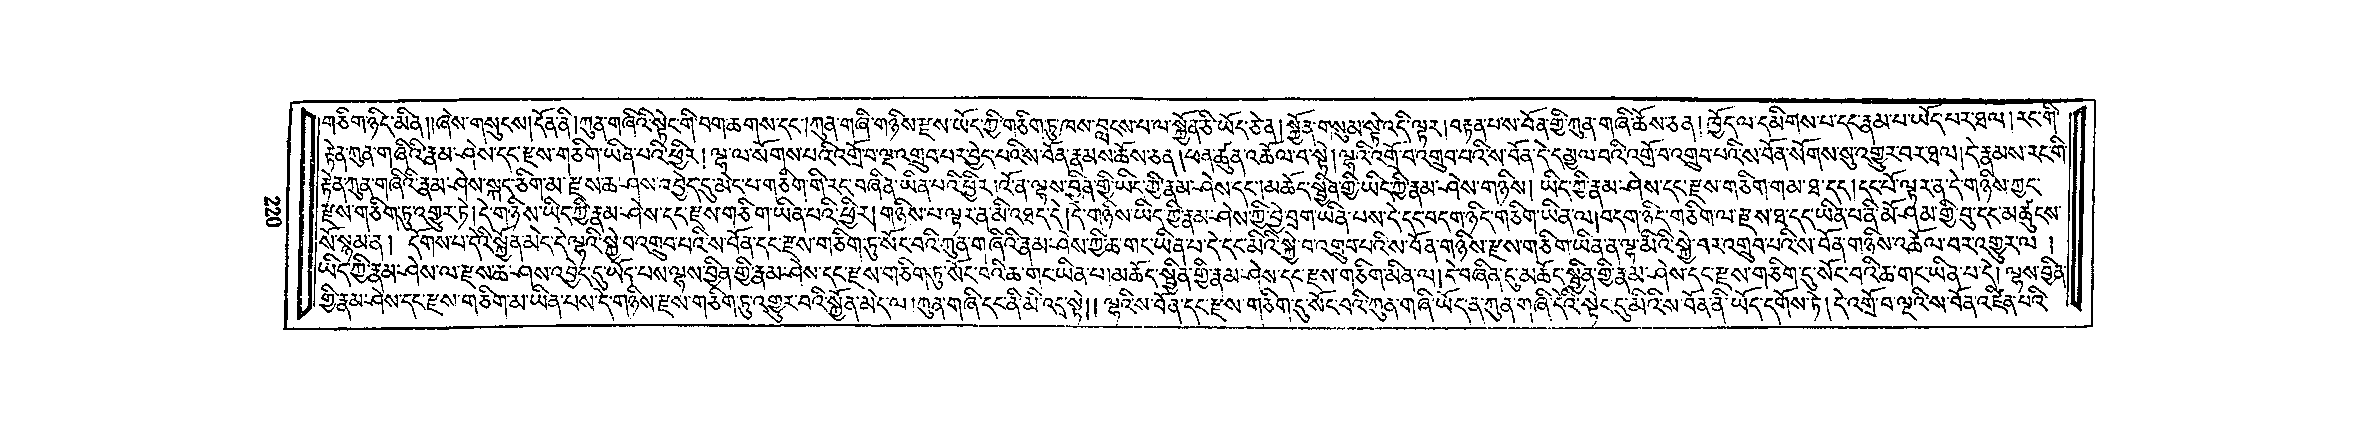གཅིག་ཉིད་མིན། །ཞེས་གསུངས། དོན་ནི། ཀུན་གཞིའི་སྟེང་གི་བག་ཆགས་དང་། ཀུན་གཞི་གཉིས་རྫས་ཡོད་ཀྱི་གཅིག་ཏུ་ཁས་བླངས་པ་ལ་སྐྱོན་ཅི་ཡོད་ཅེ་ན། སྐྱོན་གསུམ་སྟེ་འདི་ལྟར། བརྟན་པ་ས་བོན་གྱི་ཀུན་གཞི་ཆོས་ཅན། ཁྱོད་ལ་དམིགས་པ་དང་རྣམ་པ་ཡོད་པར་ཐལ། རང་གི་
རྟེན་ཀུན་གཞིའི་རྣམ་ཤེས་དང་རྫས་གཅིག་ཡིན་པའི་ཕྱིར། ལྷ་ལ་སོགས་པའི་འགྲོ་བ་ལྔ་འགྲུབ་པར་བྱེད་པའི་ས་བོན་རྣམས་ཆོས་ཅན། ཕན་ཚུན་འཆོལ་བ་སྟེ། ལྷའི་འགྲོ་བ་འགྲུབ་པའི་ས་བོན་དེ་དམྱལ་བའི་འགྲོ་བ་འགྲུབ་པའི་ས་བོན་སོགས་སུ་འགྱུར་བར་ཐལ། དེ་རྣམས་རང་གི་
རྟེན་ཀུན་གཞིའི་རྣམ་ཤེས་སྐད་ཅིག་མ་རྫས་ཆ་ཤས་འབྱེད་དུ་མེད་པ་གཅིག་གི་རང་བཞིན་ཡིན་པའི་ཕྱིར། འོ་ན་ལྷས་བྱིན་གྱི་ཡིད་ཀྱི་རྣམ་ཤེས་དང་། མཆོད་སྦྱིན་གྱི་ཡིད་ཀྱི་རྣམ་ཤེས་གཉིས། ཡིད་ཀྱི་རྣམ་ཤེས་དང་རྫས་གཅིག་གམ་ཐ་དང་། དང་པོ་ལྟར་ན་དེ་གཉིས་ཀྱང་
རྫས་གཅིག་ཏུ་འགྱུར་ཏེ། དེ་གཉིས་ཡིད་ཀྱི་རྣམ་ཤེས་དང་རྫས་གཅིག་ཡིན་པའི་ཕྱིར། གཉིས་པ་ལྟར་ན་མི་འཐད་དེ། དེ་གཉིས་ཡིད་ཀྱི་རྣམ་ཤེས་ཀྱི་བྱེ་བྲག་ཡིན་པས་དེ་དང་བདག་ཉིད་གཅིག་ཡིན་ལ། བདག་ཉིད་གཅིག་ལ་རྫས་ཐ་དད་ཡིན་པ་ནི་མོ་ཤམ་གྱི་བུ་དང་མཚུངས་
སོ་སྙམ་ན། དོགས་པ་དེའི་སྐྱོན་མེད་དེ་ལྷའི་སྐྱེ་བ་འགྲུབ་པའི་ས་བོན་དང་རྫས་གཅིག་ཏུ་སོང་བའི་ཀུན་གཞིའི་རྣམ་ཤེས་ཀྱི་ཆ་གང་ཡིན་པ་དེ་དང་མིའི་སྐྱེ་བ་འགྲུབ་པའི་ས་བོན་གཉིས་རྫས་གཅིག་ཡིན་ན་ལྷ་མིའི་སྐྱེ་བར་འགྲུབ་པའི་ས་བོན་གཉིས་འཆོལ་བར་འགྱུར་ལ།
ཡིད་ཀྱི་རྣམ་ཤེས་ལ་རྫས་ཆ་ཤས་འབྱེད་དུ་ཡོད་པས་ལྷས་བྱིན་གྱི་རྣམ་ཤེས་དང་རྫས་གཅིག་ཏུ་སོང་བའི་ཆ་གང་ཡིན་པ། མཆོད་སྦྱིན་གྱི་རྣམ་ཤེས་དང་རྫས་གཅིག་མིན་ལ། དེ་བཞིན་དུ་མཆོད་སྦྱིན་གྱི་རྣམ་ཤེས་དང་རྫས་གཅིག་དུ་སོང་བའི་ཆ་གང་ཡིན་པ་དེ། ལྷས་བྱིན་
གྱི་རྣམ་ཤེས་དང་རྫས་གཅིག་མ་ཡིན་པས་དེ་གཉིས་རྫས་གཅིག་ཏུ་འགྱུར་བའི་སྐྱོན་མེད་ལ། ཀུན་གཞི་དང་ནི་མི་འདྲ་སྟེ། །ལྷའི་ས་བོན་དང་རྫས་གཅིག་དུ་སོང་བའི་ཀུན་གཞི་ཡོད་ན་ཀུན་གཞི་དེའི་སྟེང་དུ་མིའི་ས་བོན་ནི་ཡོད་དགོས་ཏེ། དེ་འགྲོ་བ་ལྔའི་ས་བོན་འཛིན་པའི་